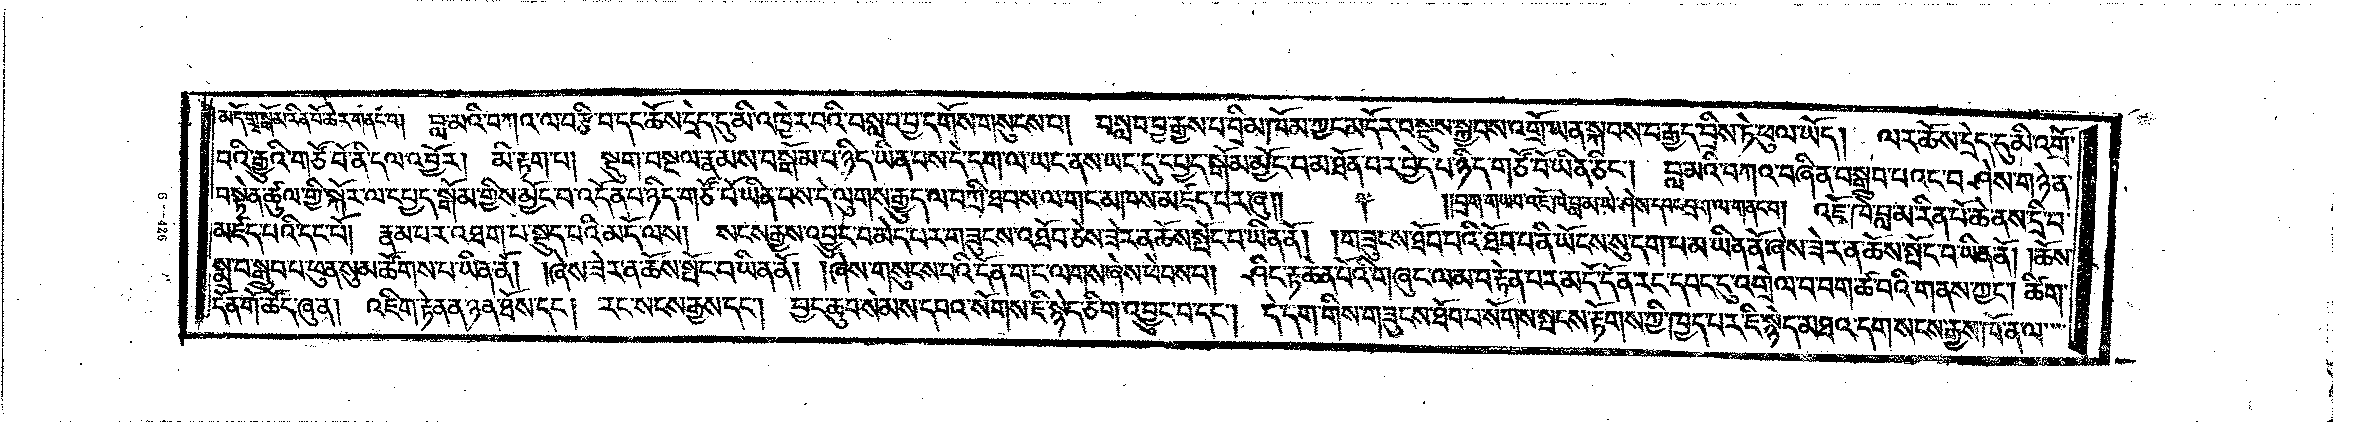མདོ་གྲྭ་སྒོམ་རིན་པོ་ཆེར་གནང་བ། བླ་མའི་བཀའ་ལ་བརྩི་བ་དང་ཆོས་དྭེད་དུ་མི་འཁྱེར་བའི་བསླབ་བྱ་དགོས་གསུངས་པ། བསླབ་བྱ་རྒྱས་པ་བྲི་མ་ཁོམ་ཀྱང་མདོར་བསྡུས་སྐྱབས་འགྲོ་ཡང་སྐབས་བརྒྱད་བྲིས་ཏེ་ཕུལ་ཡོད། ལར་ཆོས་དྲེད་དུ་མི་འགྲོ་
བའི་རྒྱུའི་གཙོ་བོ་ནི་དལ་འབྱོར། མི་རྟག་པ། སྡུག་བསྔལ་རྣམས་བསྒོམ་པ་ཉིད་ཡིན་པས་དེ་དག་ལ་ཡང་ནས་ཡང་དུ་དཔྱད་སྒོམ་མྱོང་བ་མཐོན་བར་བྱེད་པ་ཉིད་གཙོ་བོ་ཡིན་ཅིང་། བླ་མའི་བཀའ་བཞིན་བསྒྲུབ་པའང་བཤེས་གཉེན་
བསྟེན་ཚུལ་གྱི་སྐོར་ལ་དཔྱད་སྒོམ་གྱིས་མྱོང་བ་འདོན་པ་ཉིད་གཙོ་བོ་ཡིན་པས་དེ་ལུགས་རྒྱུད་ལ་བཀྲི་ཐབས་ལ་གང་མཁས་མཛད་པར་ཞུ།། ༈ །།བྲག་གཡབ་འཇོ་ཁེ་བླ་མ་ཡེ་ཤེས་དབང་དྲག་ལ་གནང་བ།  འཇོ་ཁེ་བླ་མ་རིན་པོ་ཆེ་ནས་དྲི་བ་
མཛད་པའི་དང་པོ། རྣམ་པར་འཐག་པ་སྡུད་པའི་མདོ་ལས། སངས་རྒྱས་འབྱུང་བ་མེད་པར་གཟུངས་འཐོབ་ཅེས་ཟེར་ན་ཆོས་སྤོང་བ་ཡིན་ནོ། །གཟུངས་ཐོབ་པའི་ཐོབ་པ་ནི་ཡོངས་སུ་དག་པ་མ་ཡིན་ནོ་ཞེས་ཟེར་ན་ཆོས་སྤོང་བ་ཡིན་ནོ། །ཆོས་
སྨྲ་བ་སྒྲུབ་པ་ཕུན་སུམ་ཚོགས་པ་ཡིན་ནོ། །ཞེས་ཟེར་ན་ཆོས་སྤོང་བ་ཡིན་ནོ། །ཞེས་གསུངས་པའི་དོན་གང་ལགས་ཞེས་ཕེབས་པ། ཤིང་རྟ་ཆེན་པོའི་གཞུང་ལ་མ་བརྟེན་པར་མདོ་དོན་རང་དབང་དུ་འགྲེལ་བ་བག་ཚ་བའི་གནས་ཀྱང་། ཚིག་
དོན་གོ་ཚོད་ཞུ་ན། འཇིག་རྟེན་ན་ཉན་ཐོས་དང་། རང་སངས་རྒྱས་དང་། བྱང་ཆུབ་སེམས་དཔའ་སོགས་ཇི་སྙེད་ཅིག་འབྱུང་བ་དང་། དེ་དག་གིས་གཟུངས་ཐོབ་པ་སོགས་སྤངས་རྟོགས་ཀྱི་ཁྱད་པར་ཇི་སྙེད་མཐའ་དག་སངས་རྒྱས་ཁོ་ན་ལ་